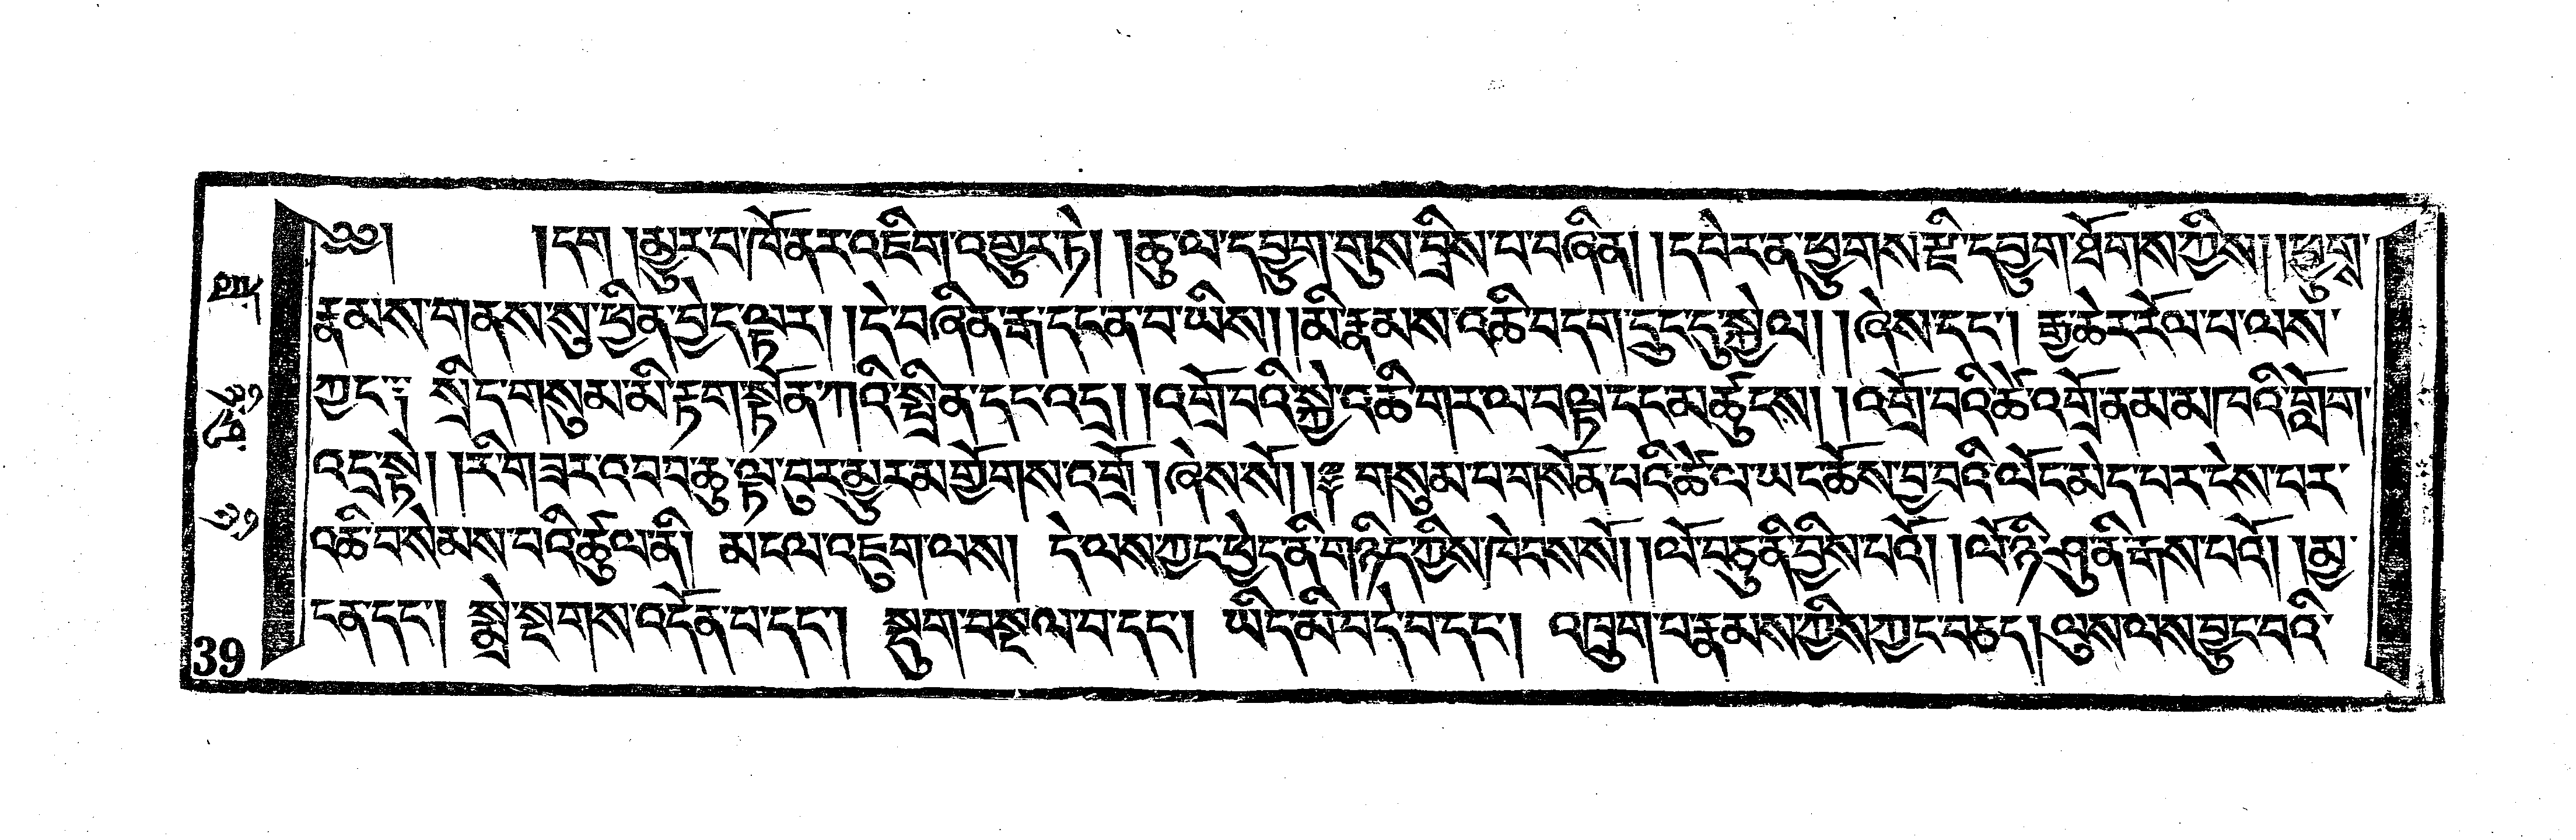༄༅། །དག །མྱུར་བ་ཁོ་ནར་འཇིག་འགྱུར་ཏེ། །ཆུ་ལ་དབྱུག་གུས་བྲིས་པ་བཞིན། །དཔེར་ན་ཕྱུགས་རྫི་དབྱུག་ཐོགས་ཀྱིས། །ཕྱུགས་
རྣམས་གནས་སུ་ཕྱིན་བྱེད་ལྟར། །དེ་བཞིན་རྒ་དང་ན་བ་ཡིས། །མི་རྣམས་འཆི་བདག་དྲུང་དུ་སྐྱེལ། །ཞེས་དང་། རྒྱ་ཆེར་རོལ་པ་ལས་
ཀྱང༑ སྲིད་གསུམ་མི་རྟག་སྟོན་ཀའི་སྤྲིན་དང་འདྲ། །འགྲོ་བའི་སྐྱེ་འཆི་གར་ལ་བལྟ་དང་མཚུངས། །འགྲོ་བའི་ཚེ་འགྲོ་ནམ་མཁའི་གློག་
འདྲ་སྟེ། །རི་གཟར་འབབ་ཆུ་ལྟ་བུར་མྱུར་མགྱོགས་འགྲོ་།ཞེས་སོ། ། ༈ གསུམ་པ་གསོན་པའི་ཚེ་ལ་ཡང་ཆོས་བྱ་བའི་ལོང་མེད་པར་ངེས་པར་
འཆི་བ་སེམས་པའི་ཚུལ་ནི། མངལ་འཇུག་ལས། དེ་ལས་ཀྱང་ཕྱེད་ནི་གཉིད་ཀྱིས་ཁེབས་སོ། །ལོ་བཅུ་ནི་བྱིས་པའོ། །ལོ་ཉི་ཤུ་ནི་རྒས་པའོ། །མྱ་
ངན་དང་། སྨྲེ་སྔགས་འདོན་པ་དང་། སྡུག་བསྔལ་བ་དང་། ཡིད་མི་བདེ་བ་དང་། འཁྲུག་པ་རྣམས་ཀྱིས་ཀྱང་བཅད། ལུས་ལས་བྱུང་བའི་